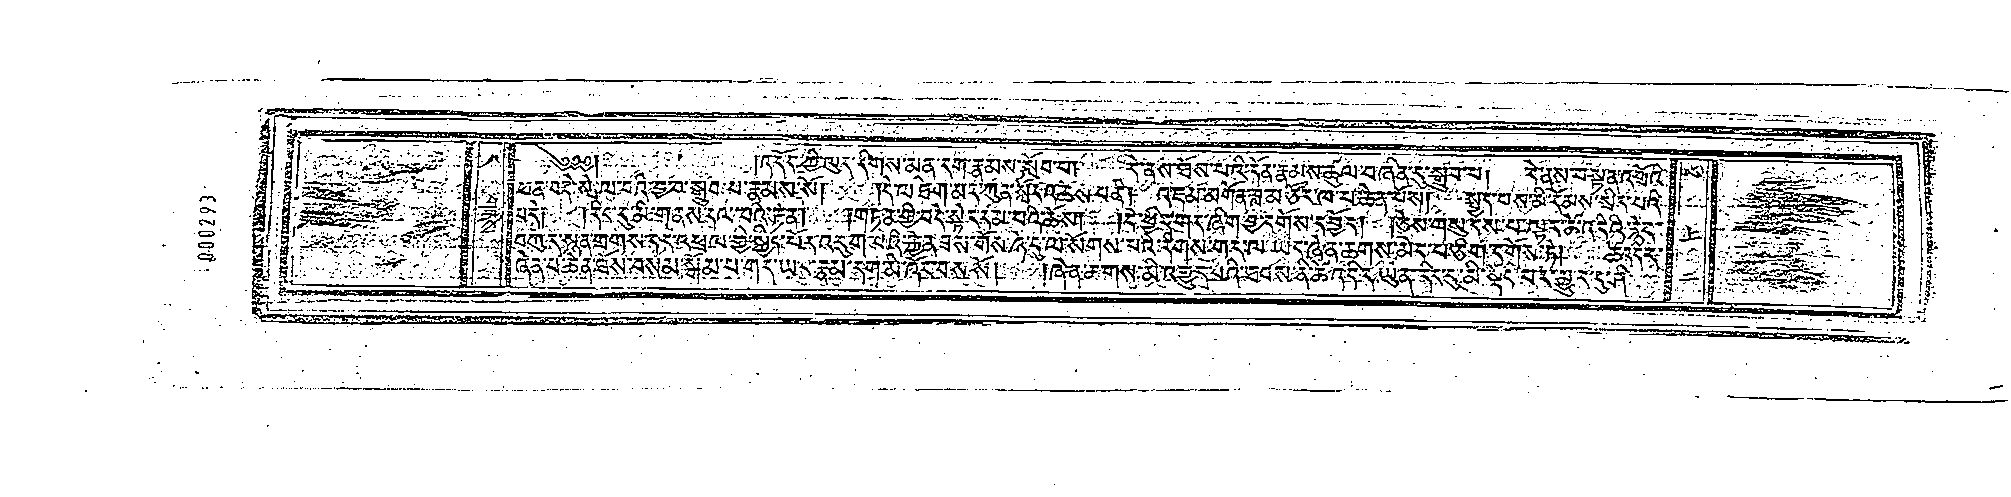༄༅༅། །འདོད་ཀྱི་ལུད་རིགས་མན་ངག་རྣམས་སློབ་པ། དེ་ནས་ཐོས་པའི་དོན་རྣམས་ཚུལ་བཞིན་དུ་སྒྲུབ་པ། དེ་ནས་བསྟན་འགྲོའི་
ཕན་བདེ་སྤེལ་བའི་བྱ་བ་སྒྲུབ་པ་རྣམས་སོ། །དེ་ལ་ཐོག་མར་ཀུན་སློང་འཆོས་པ་ནི། འཇམ་མགོན་བླ་མ་ཙོང་ཁ་པ་ཆེན་པོས། སྤྱད་པས་མི་དོམས་སྲིན་པའི་
བདེ། །རིང་དུ་མི་གནས་དལ་བའི་རྟེན། །གཏན་གྱི་བདེ་སྟེང་དམ་པའི་ཆོས། །དེ་ཕྱིར་གང་ཞིག་བྱ་དགོས་དབྱོད། །ཅེས་གསུངས་པ་ལྟར་ཚེ་འདིའི་རྙེད་
བཀུར་སྙན་གྲགས་དང་འཕྲལ་གྱི་སྐྱིད་པོར་འདུག་པའི་རྐྱེན་ཟས་གོས་ཉེ་དུ་ལ་སོགས་པའི་རིགས་གང་ལ་ཡང་ཞེན་ཆགས་མེད་པ་ཅིག་དགོས་ཏེ། ཚེ་འདིར་
ཞེན་པ་ཆེན་ཐོས་བསམ་སྒོམ་པ་གང་ཡང་རྣམ་དག་མི་འོང་བས་སོ། །ཞེན་ཆགས་མི་འབྱུང་པའི་ཐབས་ནི་ཚེ་འདིར་ཡུན་རང་དུ་མི་སྡོང་པར་མྱུར་དུ་ཤི་